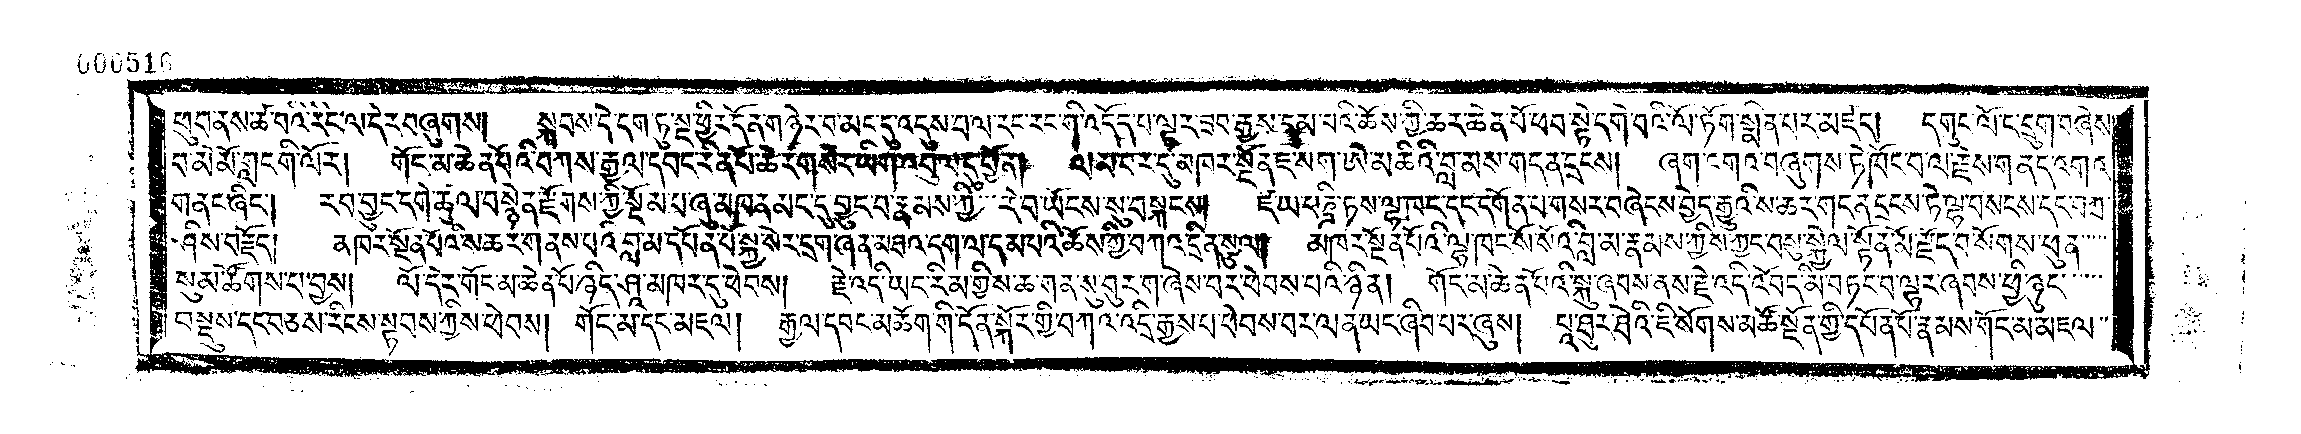ཕུབ་ནས་ཚ་བའི་རིང་ལ་དེར་བཞུགས། སྐབས་དེ་དག་ཏུ་སྔ་ཕྱིར་དོན་གཉེར་བ་མང་དུ་འདུས་པ་ལ་རང་རང་གི་འདོད་པ་ལྟར་ཟབ་རྒྱས་དམ་པའི་ཆོས་ཀྱི་ཆར་ཆེན་པོ་ཕབ་སྟེ་དགེ་བའི་ལོ་ཏོག་སྨིན་པར་མཛད། དགུང་ལོ་ང་དྲུག་བཞེས་
པ་མེ་མོ་གླང་གི་ལོར། གོང་མ་ཆེན་པོའི་བཀས་རྒྱལ་དབང་རིན་པོ་ཆེར་གསེར་ཡིག་འབུལ་དུ་བྱོན། ལམ་བར་དུ་མཁར་སྔོན་ཇ་སག་ཨེམ་ཆིའི་བླ་མས་གདན་དྲངས། ཞག་འགའ་བཞུགས་ཏེ་ཁོང་པ་ལ་རྗེས་གནང་འགའ་
གནད་ཞིང་། རབ་བྱུང་དགེ་ཚུལ་བསྙེན་རྫོགས་ཀྱི་སྡོམ་པ་ཞུ་མཁན་མང་དུ་བྱུང་བ་རྣམས་ཀྱི་རེ་བ་ཡོངས་སུ་བསྐངས། ཛ་ཡ་པཎྜི་ཏས་ལྷ་ཁང་དང་དགོན་པ་གསར་བཞེངས་བྱེད་རྒྱུའི་ས་ཆར་གདན་དྲངས་ཏེ་ལྷ་བསངས་དང་བཀྲ་
ཤིས་བརྗོད། མཁར་སྔོན་པོའི་ས་ཆར་གནས་པའི་བླ་མ་དཔོན་པོ་སྐྱ་སེར་དྲག་ཞན་མཐའ་དག་ལ་དམ་པའི་ཆོས་ཀྱི་བཀའ་དྲིན་སྩལ། མཁར་སྔོན་པོའི་ལྷ་ཁང་སོ་སོའི་བླ་མ་རྣམས་ཀྱིས་ཀྱང་བསུ་སྐྱེལ་སྟོན་མོ་རྫོང་བ་སོགས་ཕུན་
སུམ་ཚོགས་པ་བྱས། ལོ་དེར་གོང་མ་ཆེན་པོ་ཉིད་ཤཱ་མཁར་དུ་ཕེབས། རྗེ་འདི་ཡང་རིམ་གྱིས་ཆ་གན་སུ་བུ་རཱ་ག་ཞེས་པར་ཕེབས་པའི་ཉིན། གོང་མ་ཆེན་པོའི་སྐུ་ཞབས་ནས་རྗེ་འདི་འབོད་མི་བཏང་བ་ལྟར་ཞབས་ཕྱི་ཉུང་
བསྡུས་དང་བཅས་རིངས་སྟབས་ཀྱིས་ཕེབས། གོང་མ་དང་མཇལ། རྒྱལ་དབང་མཆོག་གི་དོན་སྐོར་གྱི་བཀའ་འདྲི་རྒྱས་པ་ཕེབས་པར་ལན་ཡང་ཞིབ་པར་ཞུས། པཱ་ཐུར་ཐེའི་ཇི་སོགས་མཚོ་སྔོན་གྱི་དཔོན་པོ་རྣམས་གོང་མ་མཇལ་